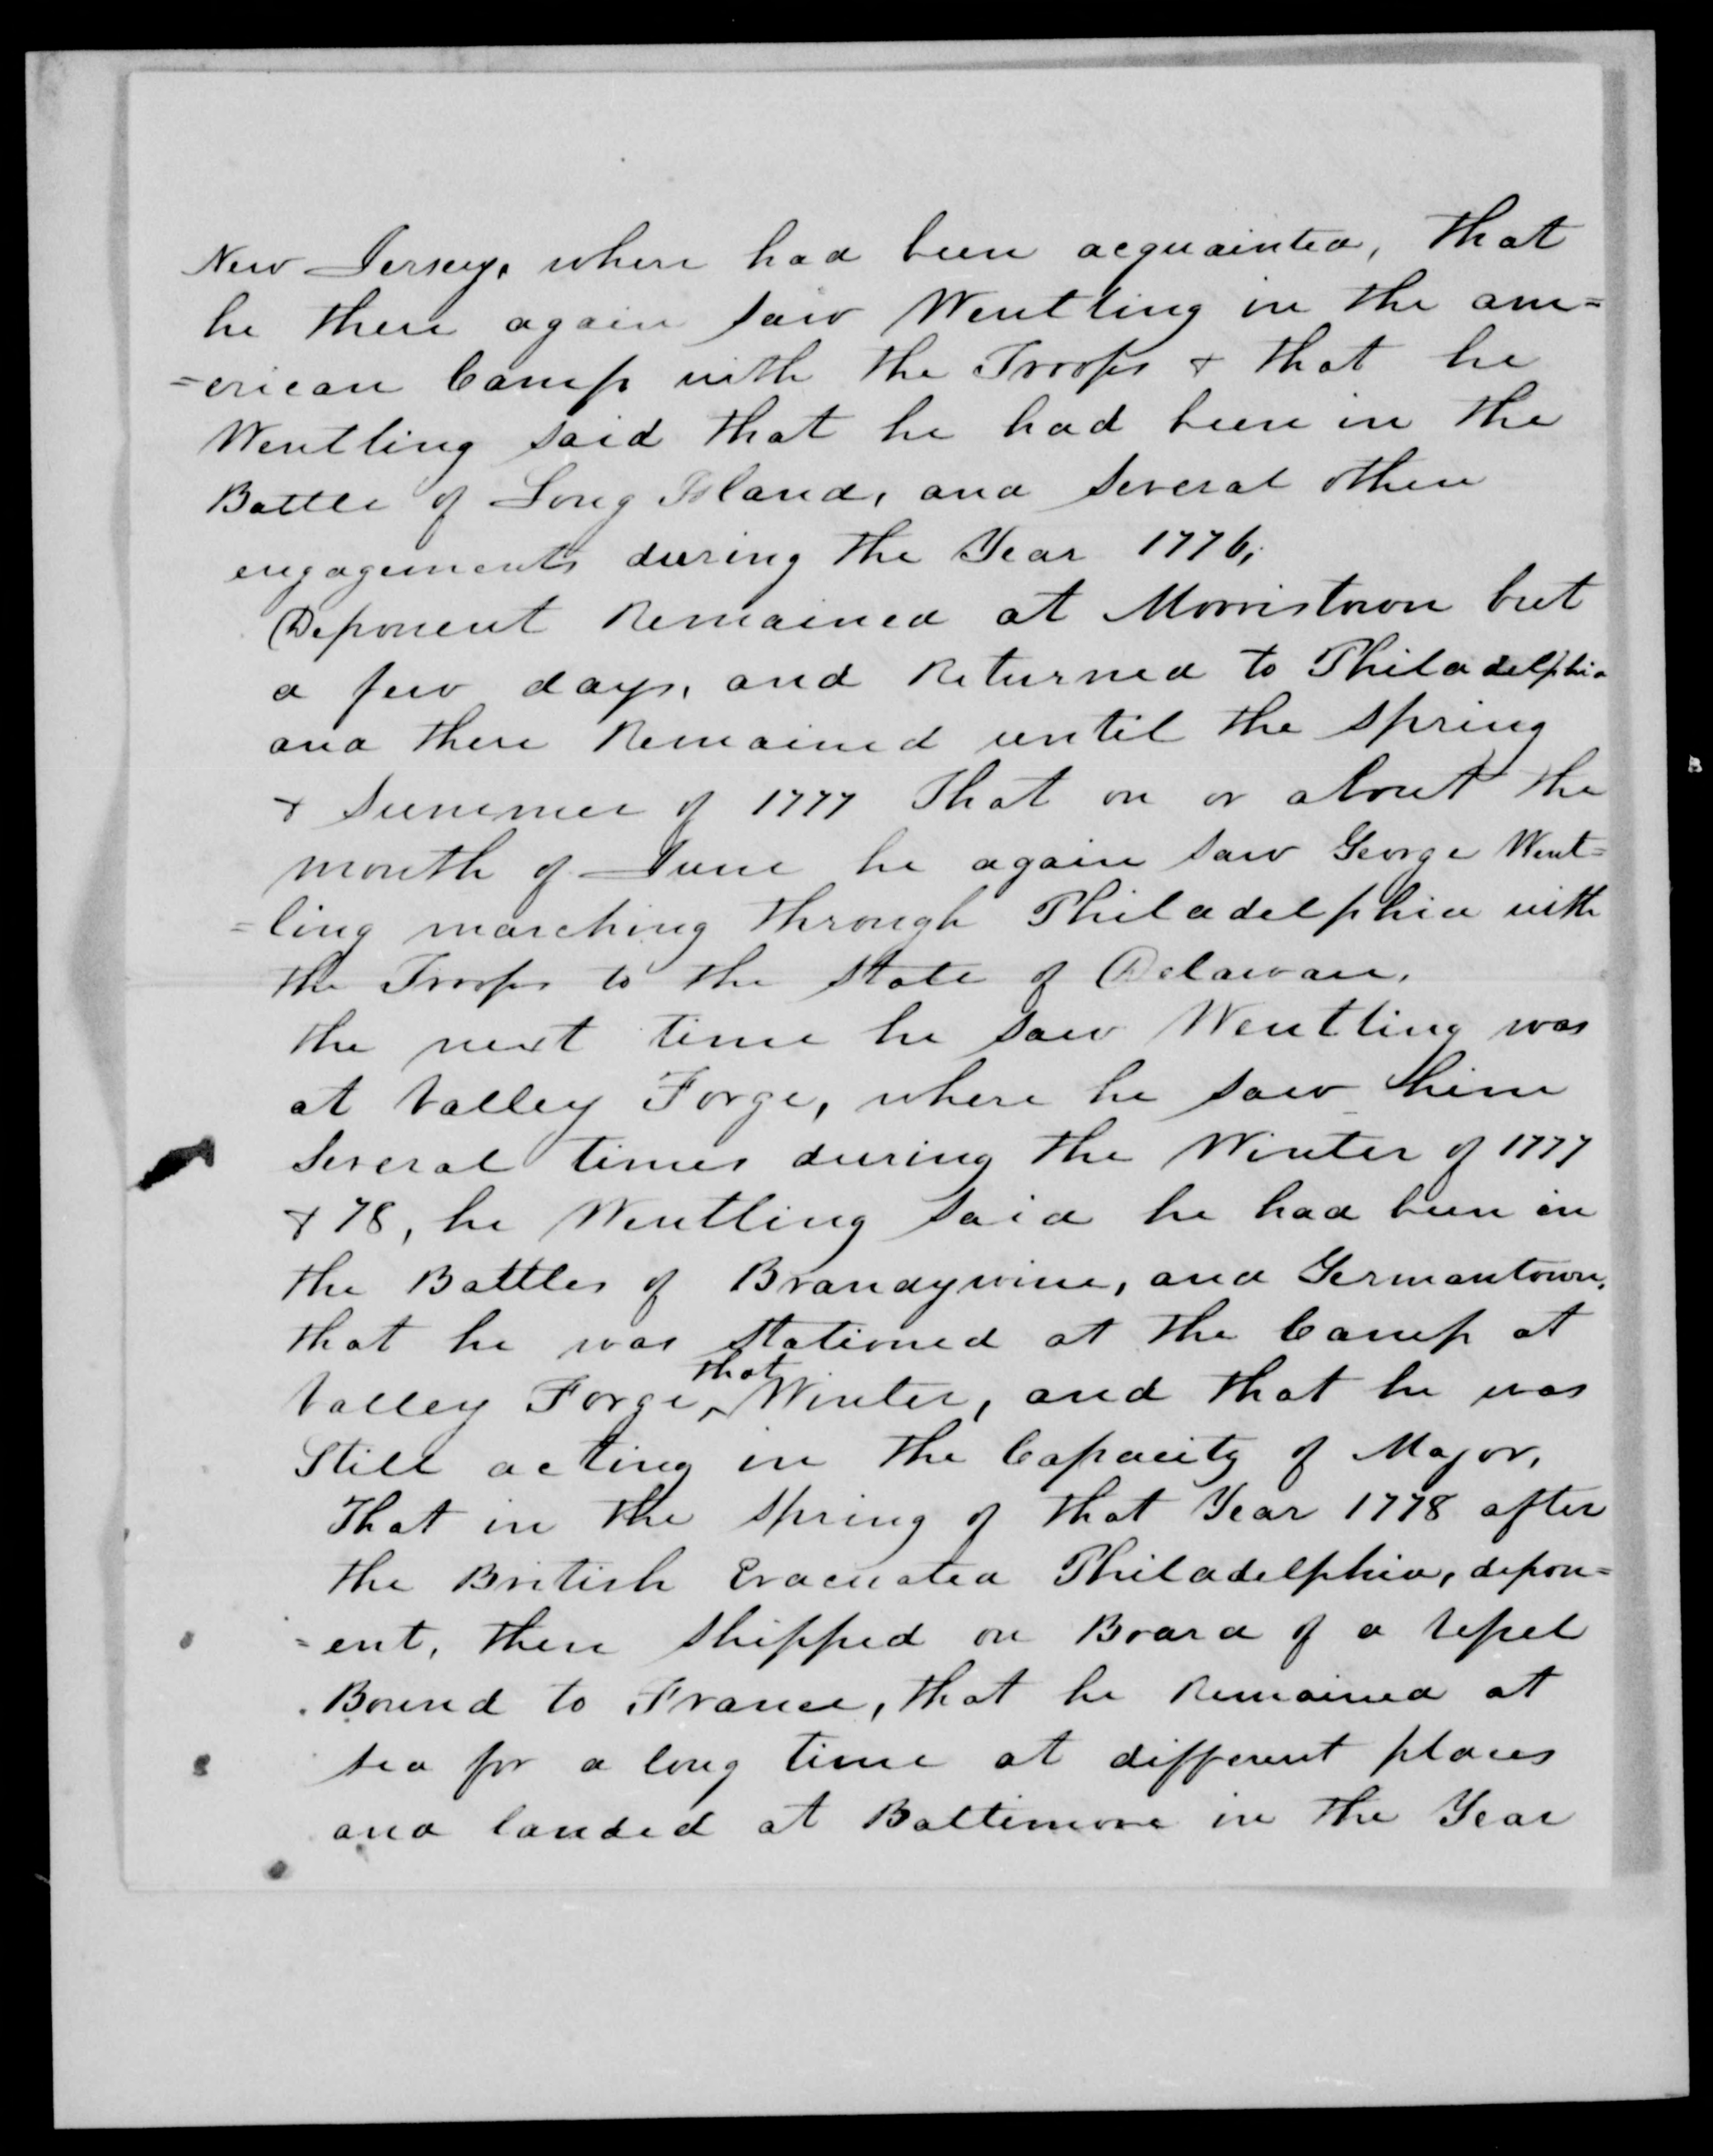New Jersey, where had been acquainted, that 
he there again saw Wentling in the American
 Camp with the Troops & that he Wentling
said that he had been in the Battle of Long 
Island, and several other
engagements during the year 1776.
Deponent remained at Morristown but
a few days, and returned to Philadelphia
and there remained until the spring
& Summer of 1777. That on or about the
month of June he again saw George Wentling
 marching through Philadelphia with
the Troops to the State of Delaware.
The next time he saw Wentling was
at Valley Forge, where he saw him
Several times during the winter of 1777
& 78, he Wentling said he had been in
the Battles of Brandywine, and Germantown.
that he was stationed at the Camp at
Valley Forge that Winter, and that he was
still acting in the Capacity of Major.
That in the spring of that year 1778 after
the British evacuated Philadelphia, deponent,
 then shipped on Board of a vessel
Bound to France, that he remained at
sea for a long time at different places
and landed at Baltimore in the year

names: George Wentling, Wentling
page: 46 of 68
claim: survivor's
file: S. 6,358, George Wentling, Penn.